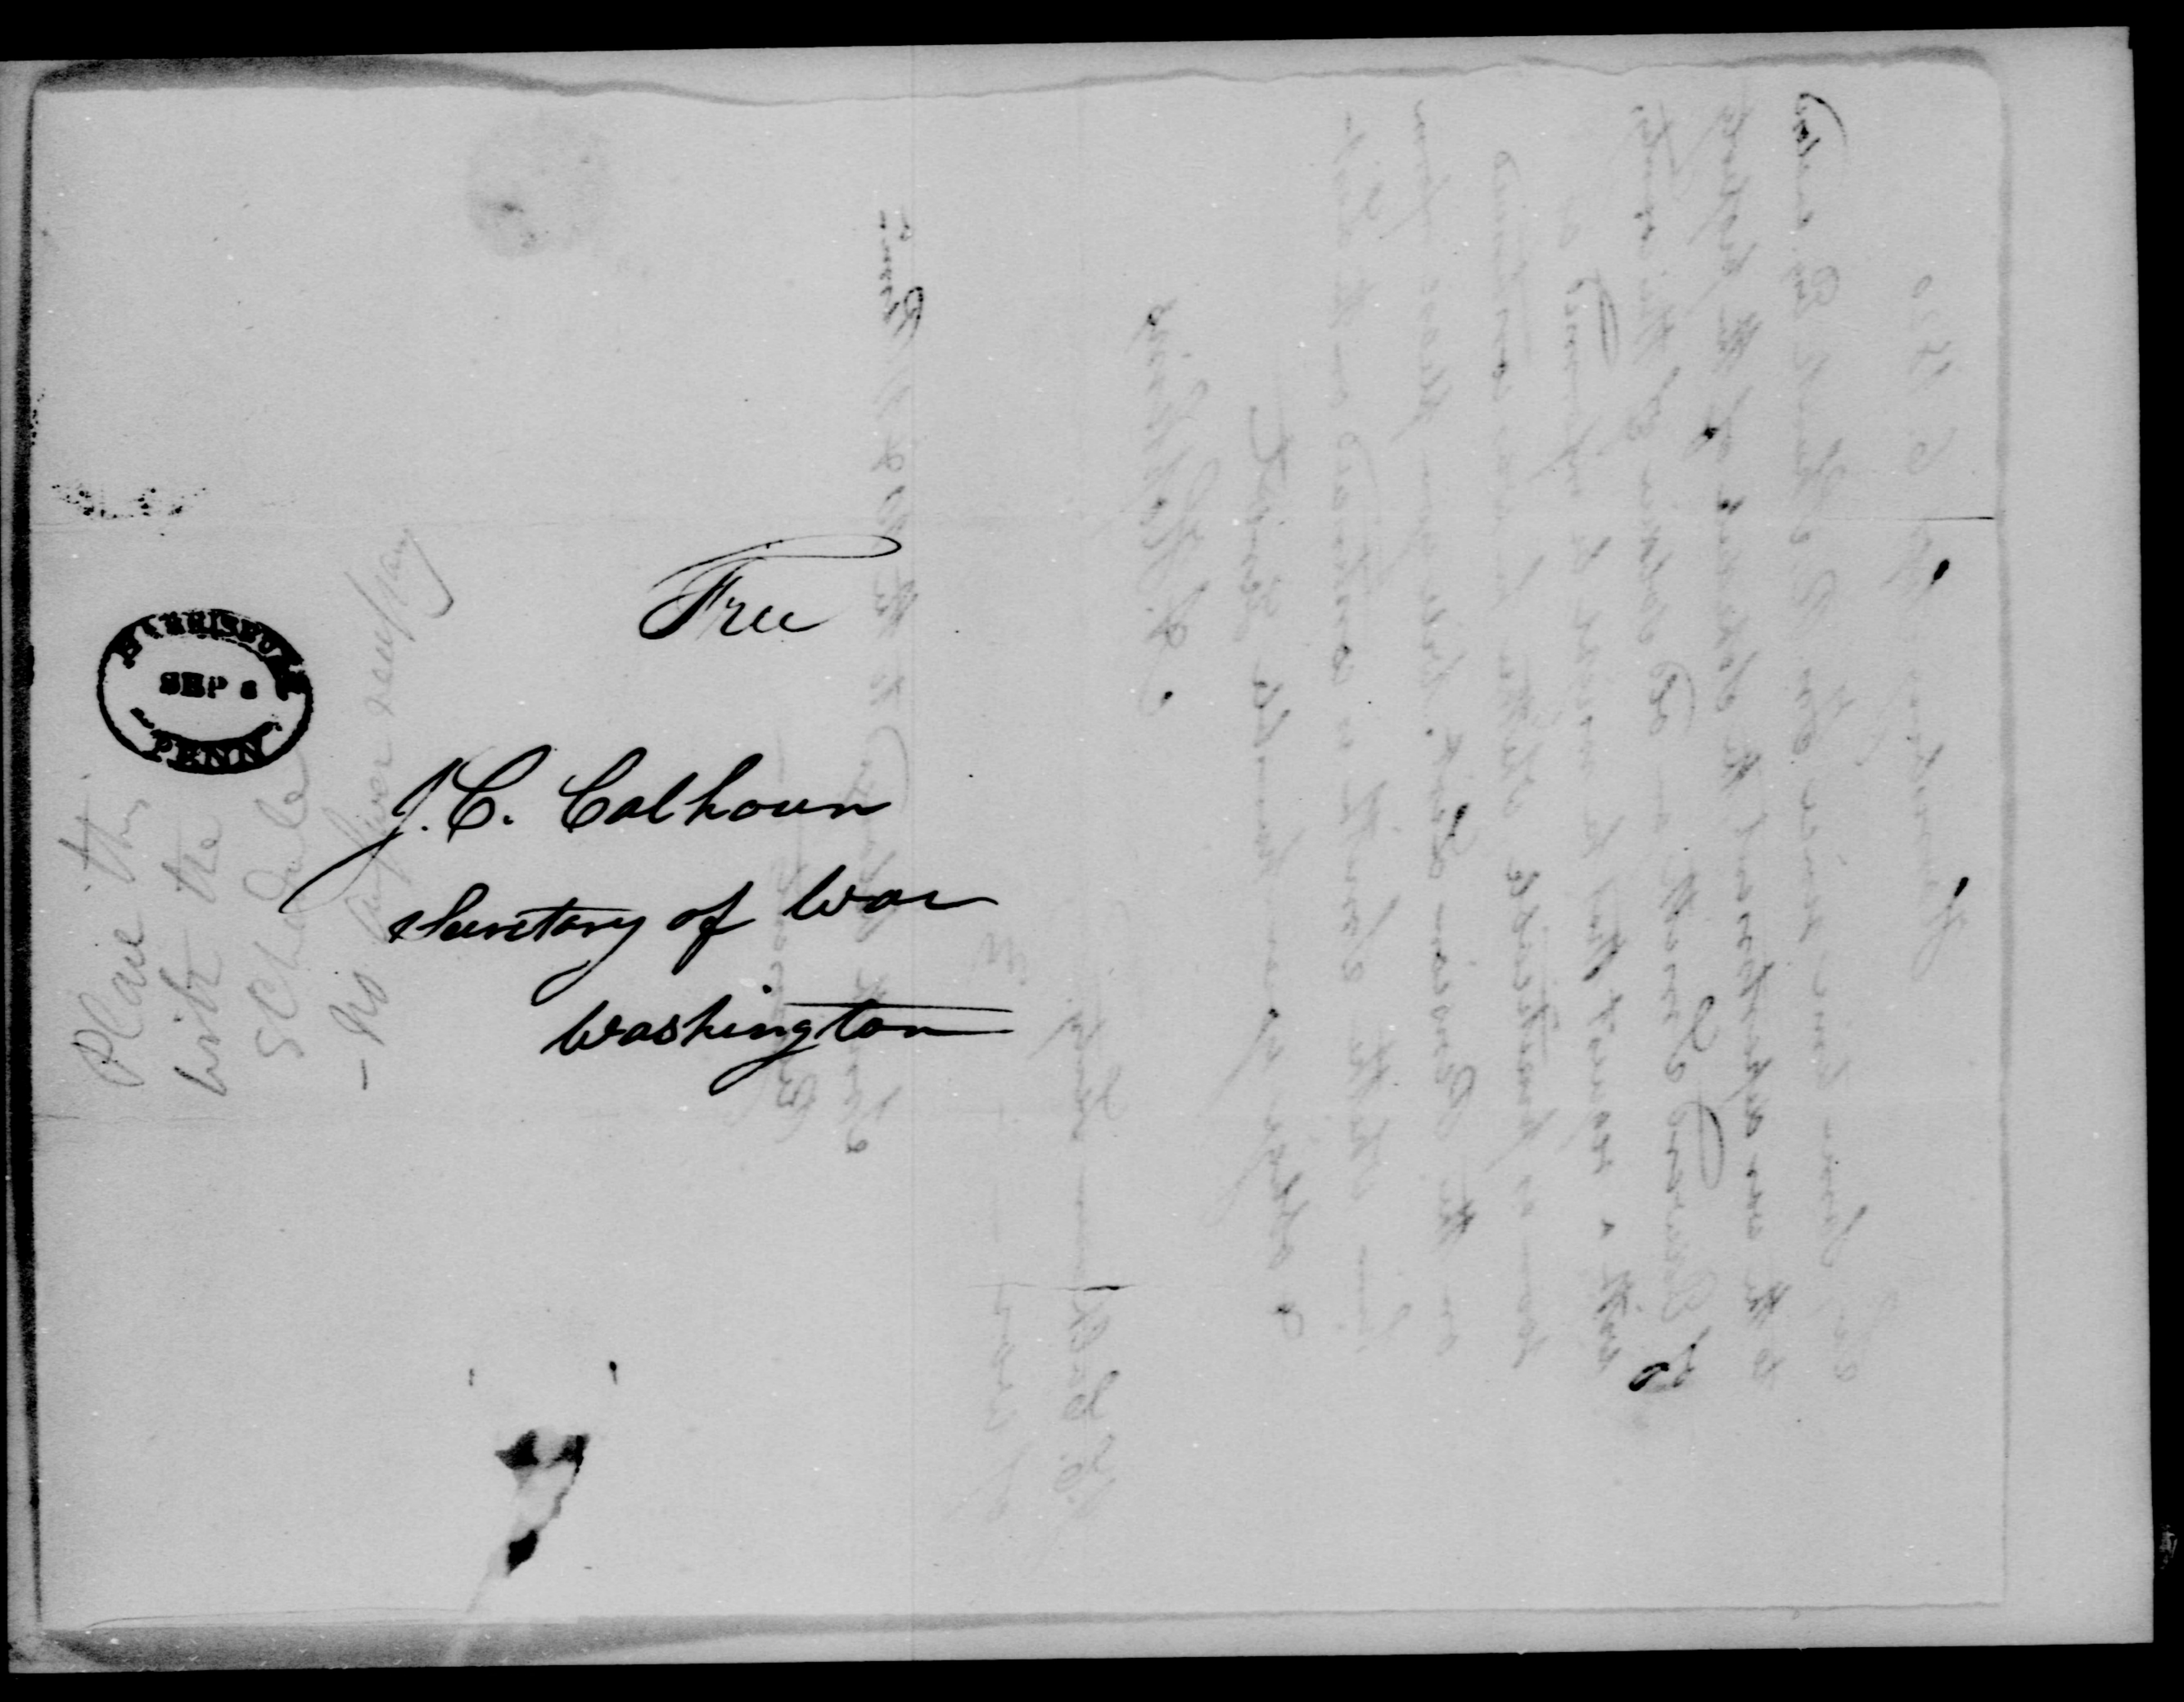{stamp: Harrisburg Penn
Sep 6

Free
J. C. Calhoun
Secretary of War
Washington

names: J C Calhoun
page: 15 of 20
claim: survivor's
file: S 40454, for Edward Smith, Pennsylvania